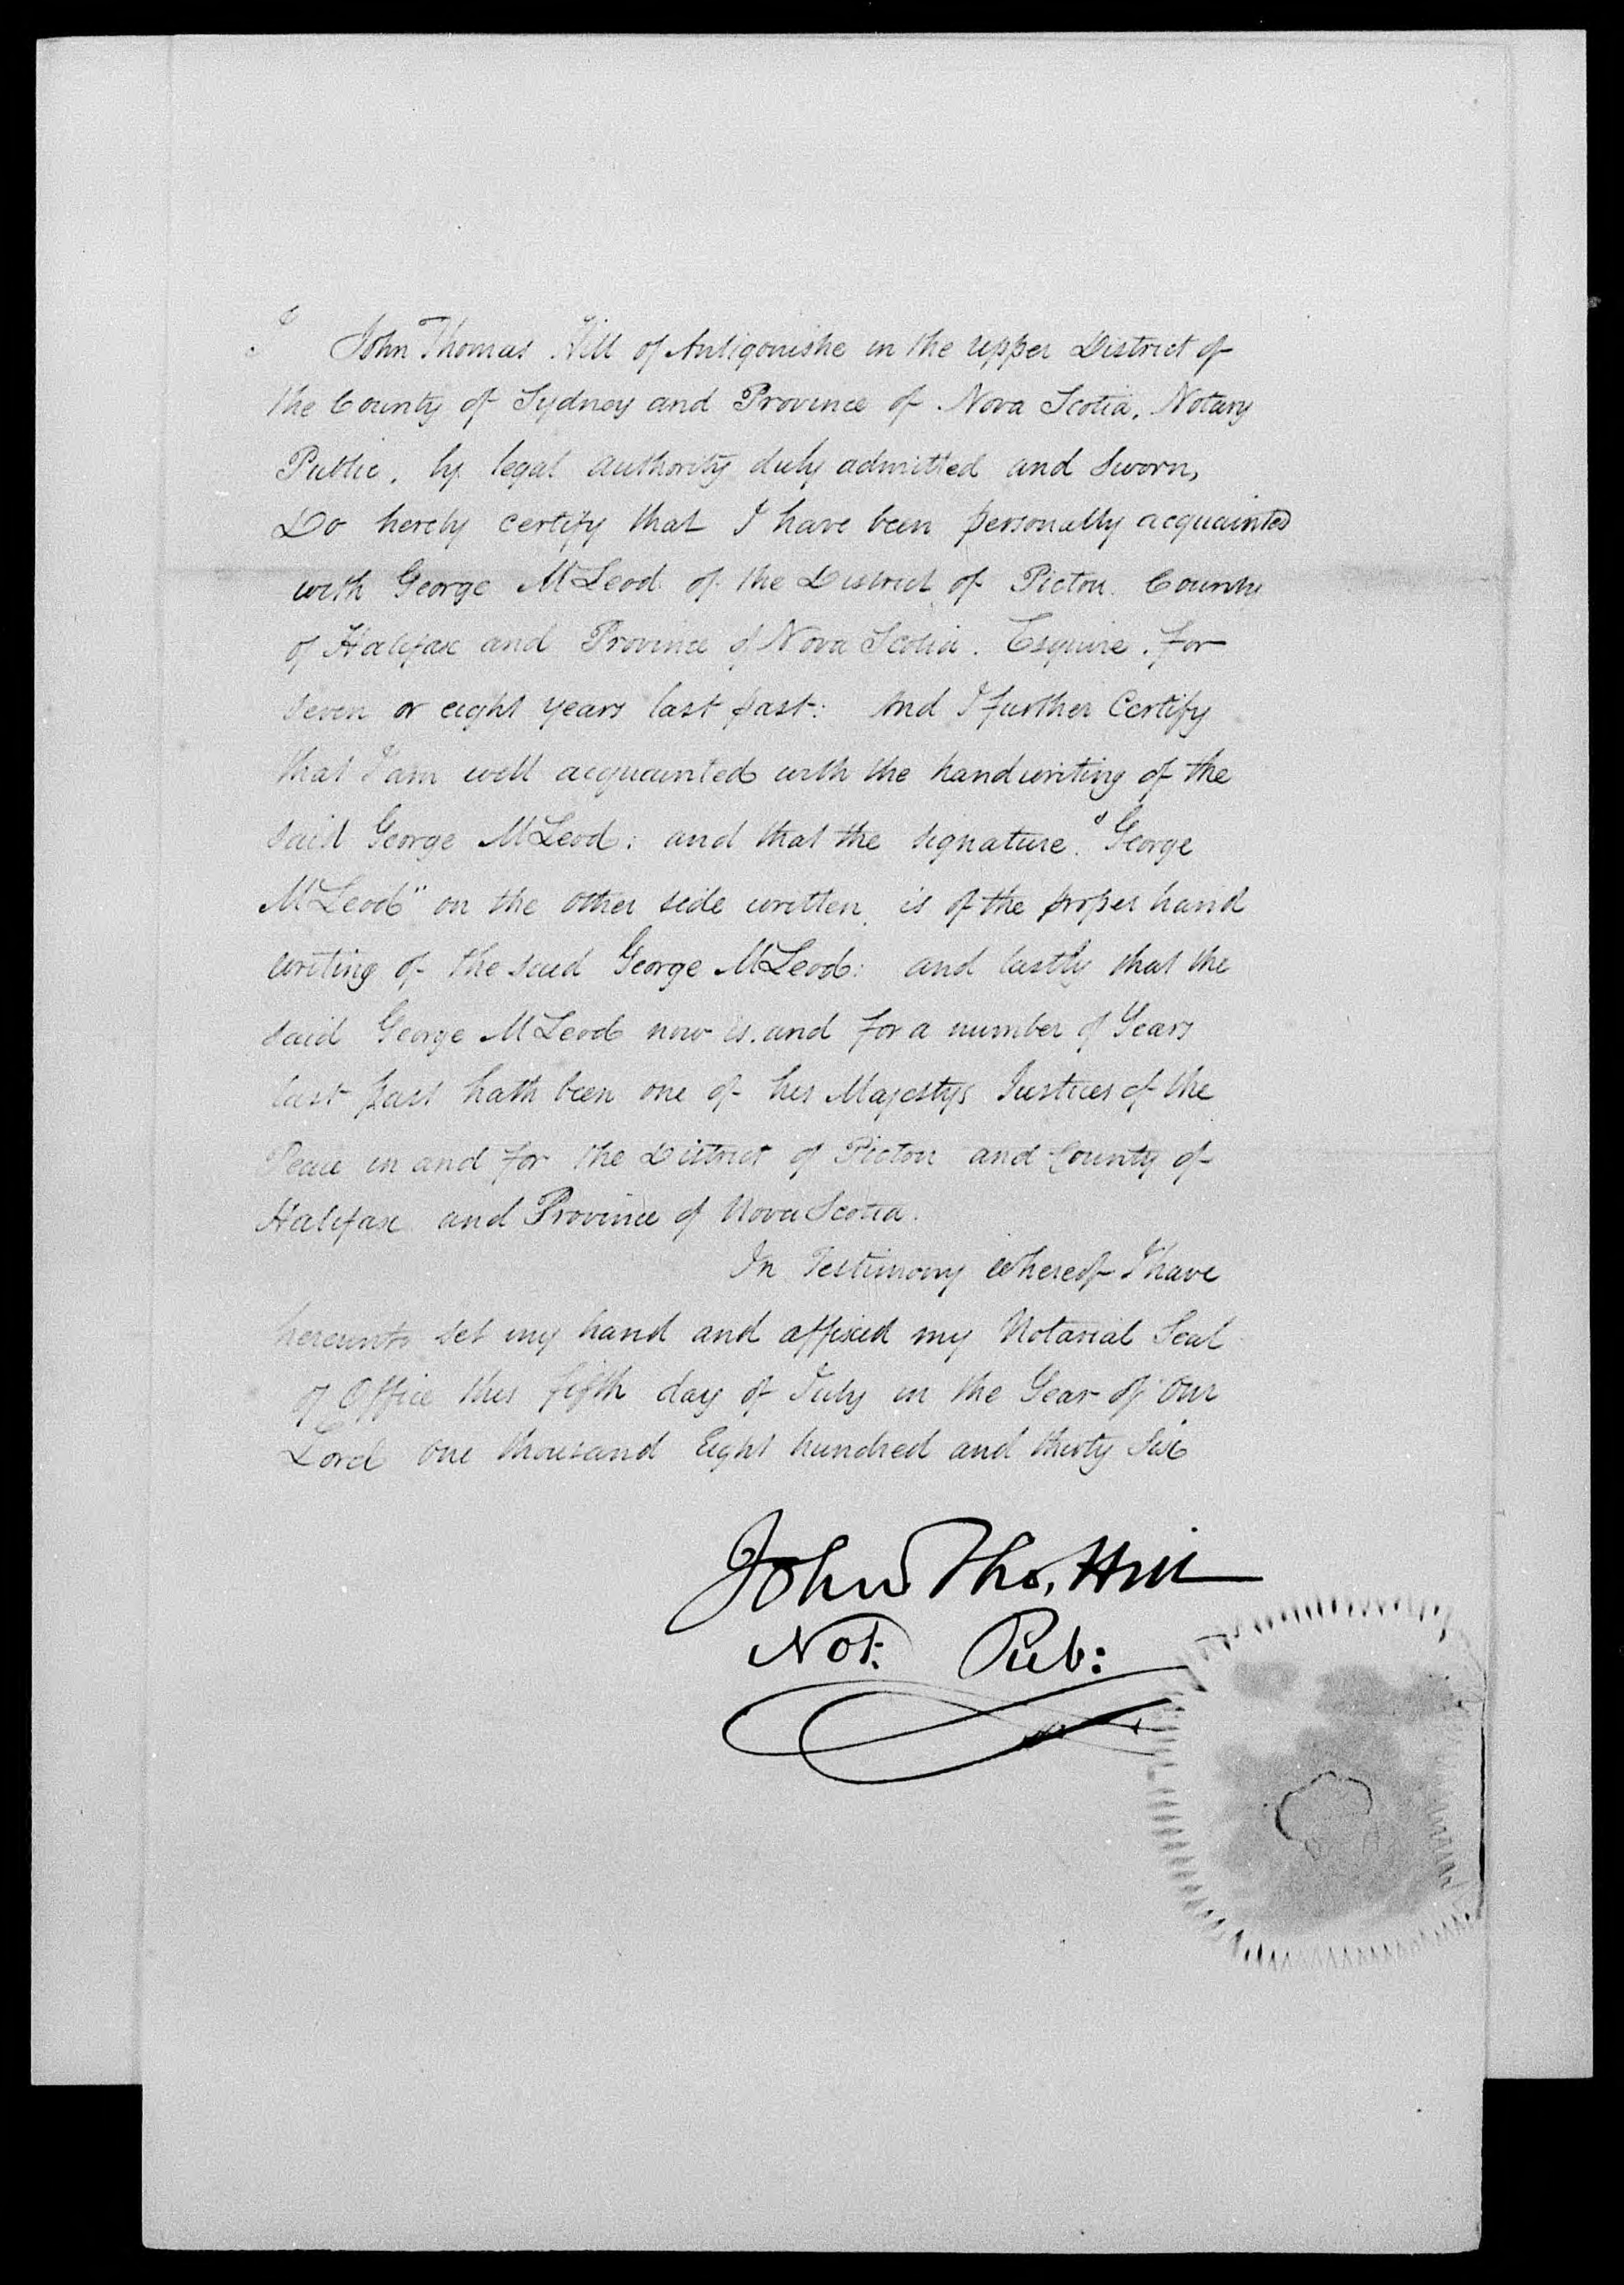I John Thomas Hill of Antigonishe in the upper District of
the County of Sydney and Province of Nova Scotia, Notary
Public, by legal authority duly admitted and Waorn,
Do hereby certify that I have been personally acquainted
with George MLeod of the District of Picton County
of Halifax and Province of Nova Scotia. Esquire. For seven or eight years last past: And I Further certify
that I am well acquainted with the handwriting of the
said George MLeod. and that the signature "George
MLeod" on the other side written is of the proper hand 
writing of the said George McLeod: and lastly that the
said George MLeod now is and for a number of years
last past hath been one of her Majesty's Justices of the
Peace in and for the District of Picton and County of
Halifax and Province of Nova Scotia.

In Testimony whereof I have
hereunto set my hand and affixed my Notarial Seal
of Office this fifth day of July in the Year of Our
Lord one thousand Eight hundred and thirty six.
John Tho. Hill
Not: Pub:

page: 6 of 11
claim: rejected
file: R 6837, for Samuel Mains, Maryland